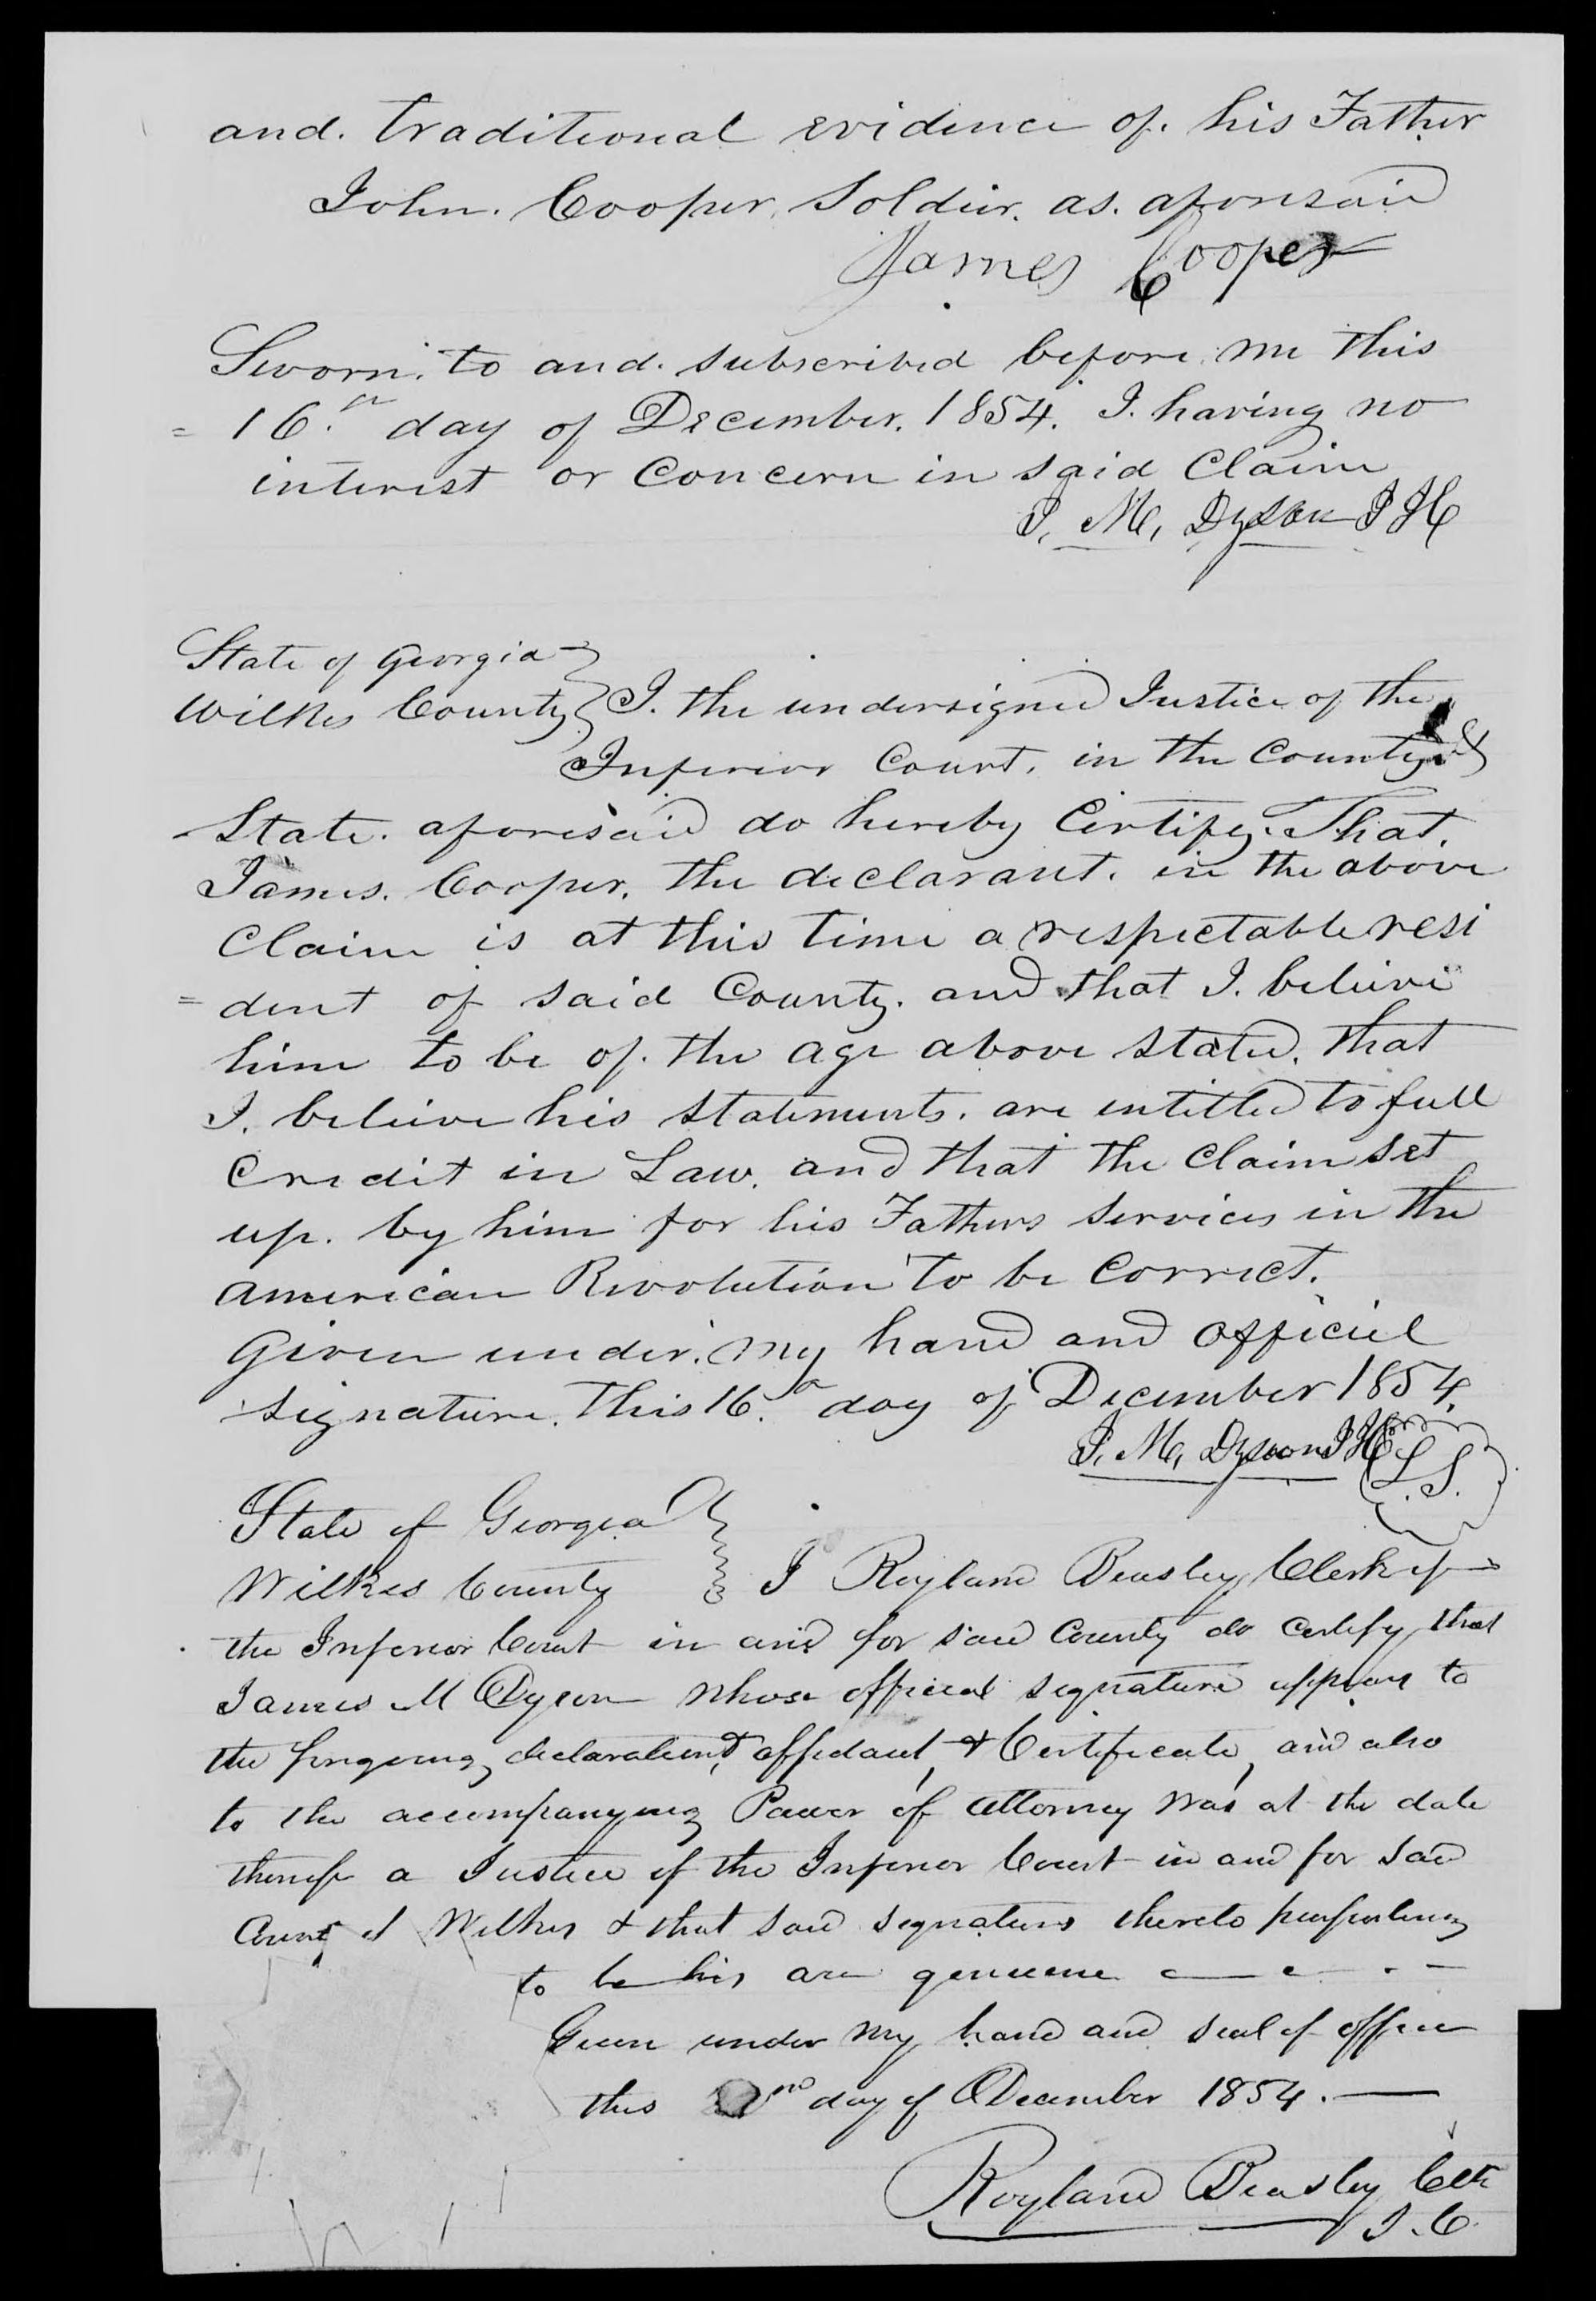and traditional evidence of his Father
John Cooper, Soldier as aforesaid
James Cooper
Sworn to and subscribed before me this
16th day of December 1854. I having no
interest or concern in said claim.
J. M. Dysons JH 

State of Georgia
Wilkes County

I the undersigned Justice of the
Inferior Court, in the County &
State aforesaid do hereby certify that
James Cooper, the declarant, in the above
claim is at this time a respectable resident
of said County and that I believe
him to be of the age above stated, that
I believe his statements are entitled to full
credit in Law and that the claim set
up by him for his Fathers services in the
American Revolution to be correct.
Given under my hand and official
Signature this 16th day of December 1854

J. M. Dysons JH L.S.

State of Georgia
Wilkes County

I Roylane Beasley Clerk of the Inferior Court in and for said County do certify that
James M Dysons whose official signature appears to the foregoing declaration & affidavit & certificate and also to the accompanying Power of Attorney was at the date thereof a Justice of the Inferior Court in and for said County of Wilkes & that said signature thereto purporting [illegible] 
to be his are genuine. 

Given under my hand and seal of office
this [illegible 22nd?] day of December 1854.
Royland Beasley Clk
J.C.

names: James Cooper, Royland Beasley, James Cooper, J M Dyson, J M Dyson, Royland Beasley, John Cooper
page: 4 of 17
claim: rejected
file: R. 2,300, John Cooper, Va.